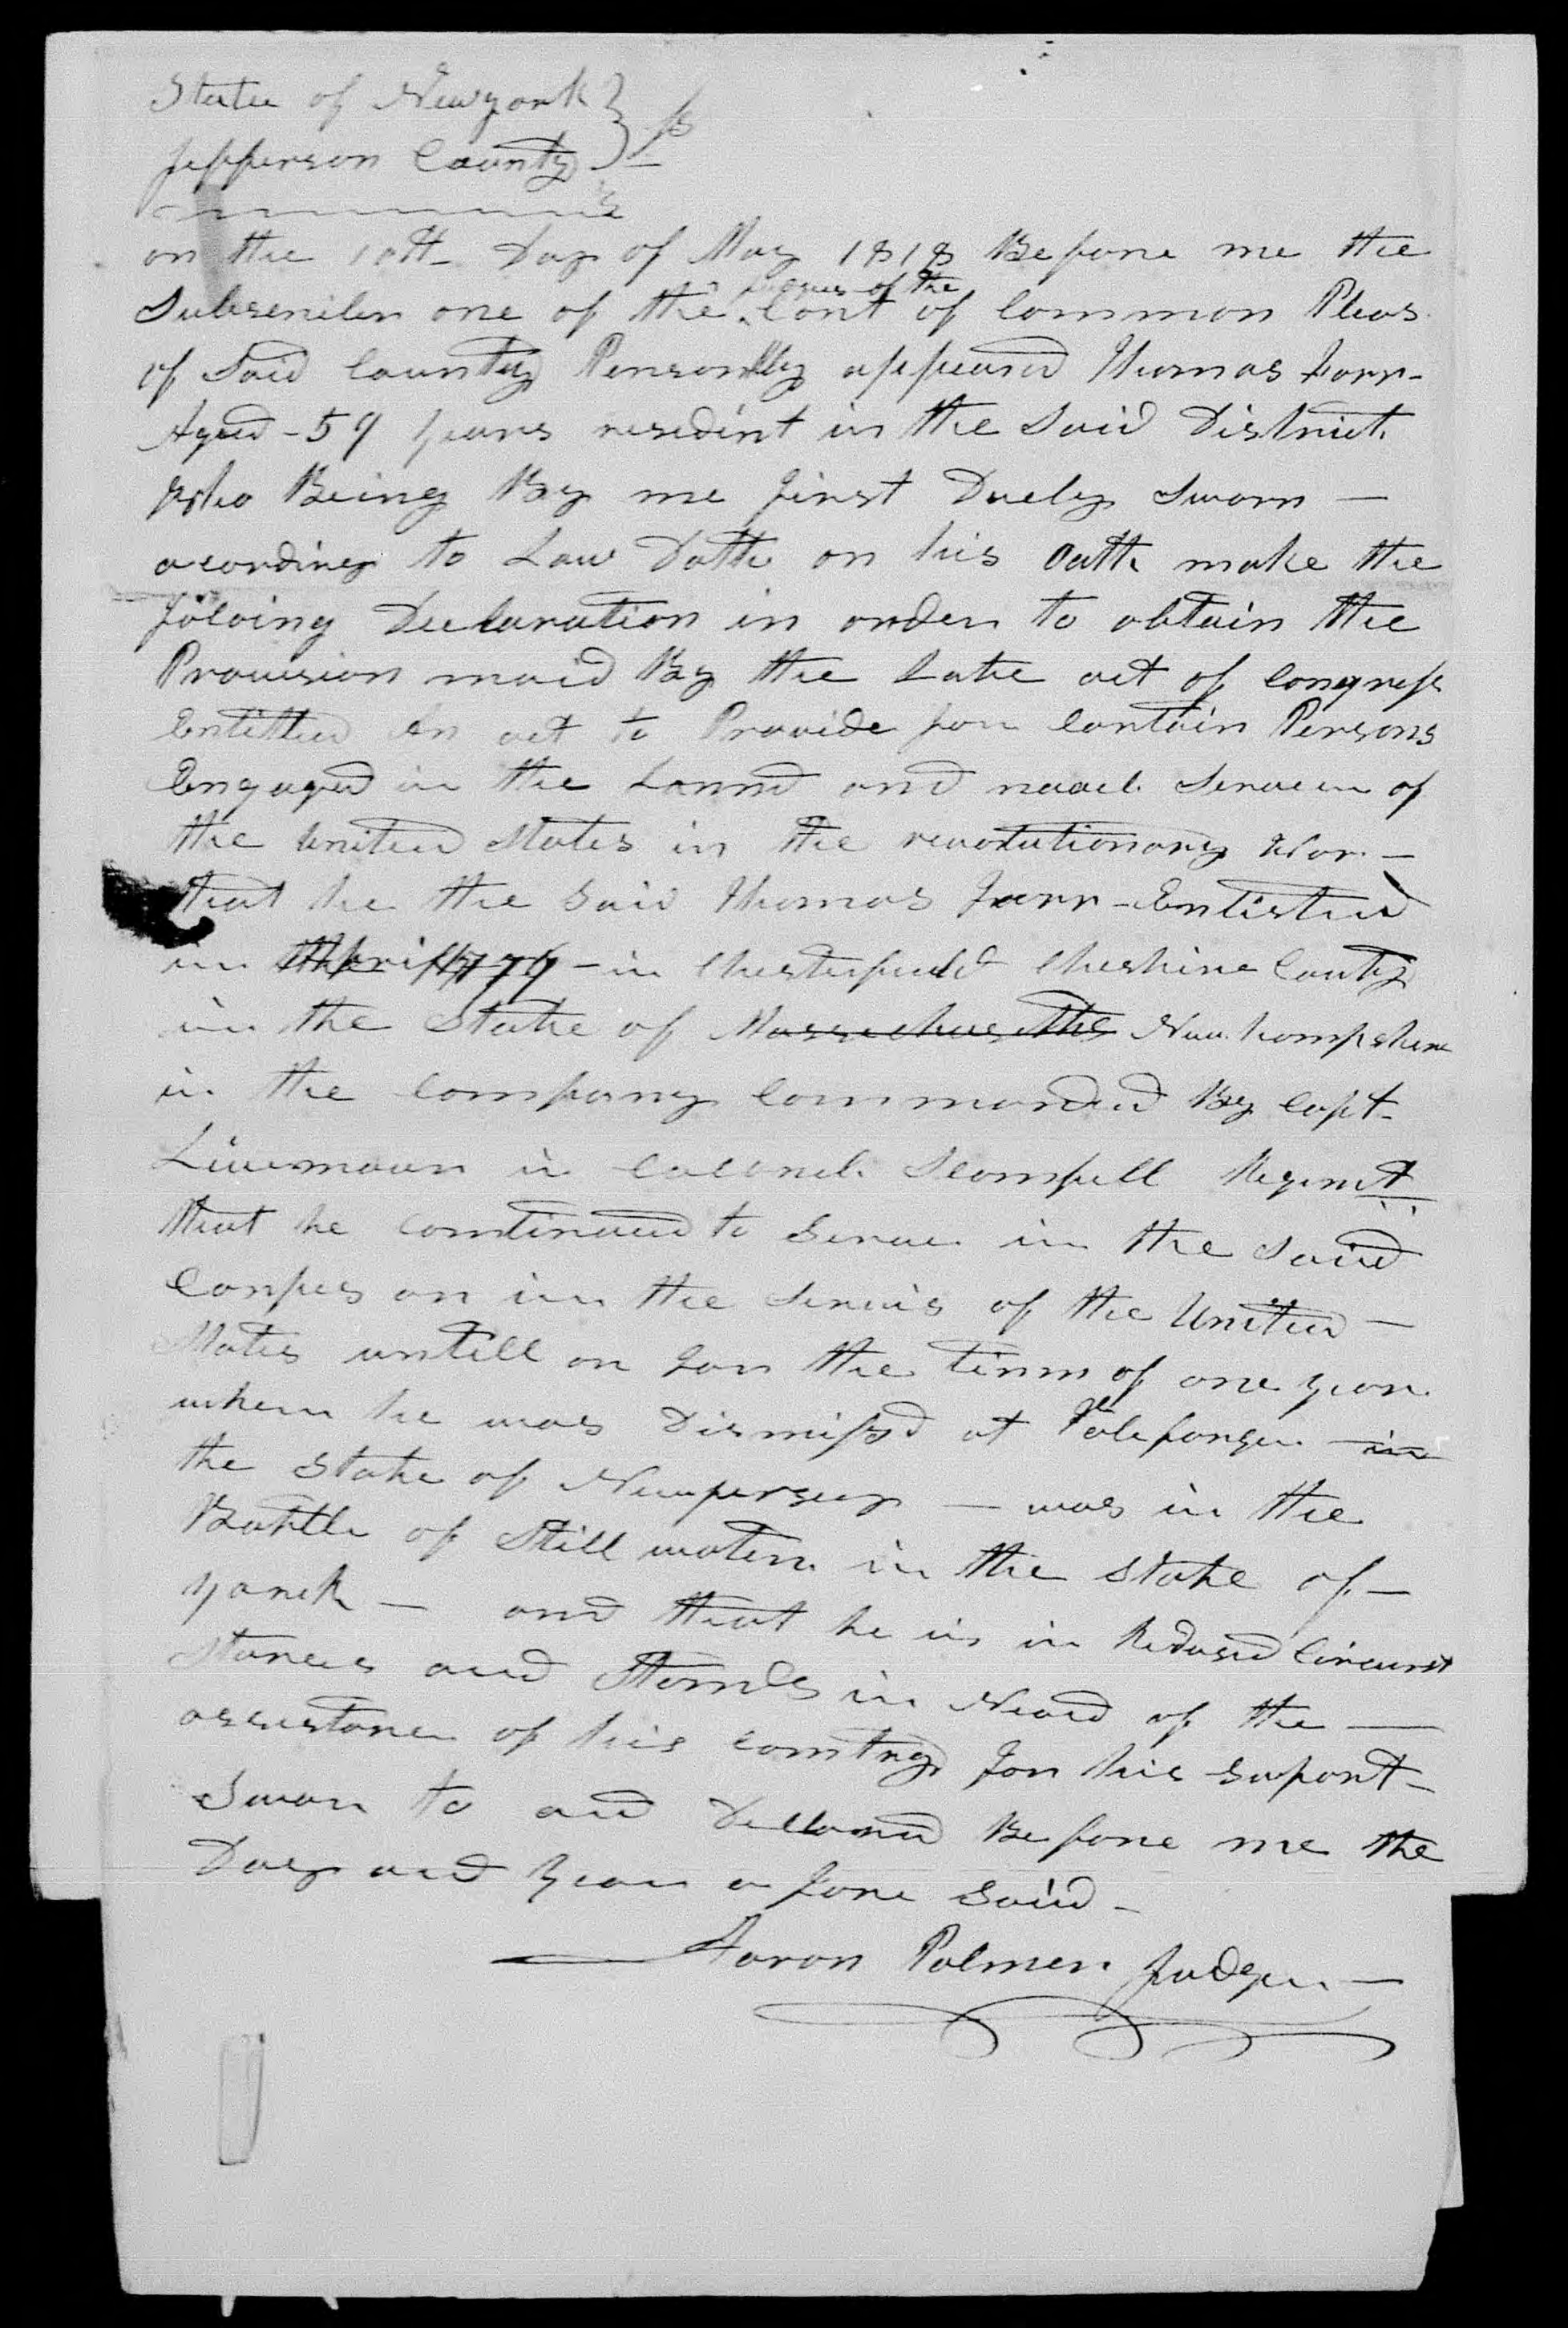State of New york
Jefferson County
ss
on the 10th day of May 1818 Before me the Subscriber one of the [illegible] of the Cort [Court] of Common Pleas. of Said County Personlly [Personally] appeared Thomas Farr - Aged - 59 Years resedint [resident] in the Said District. who Being By me first Duely [Duly] Sworn - acording [according] to Law hath on his oath make the foloing [following] Declaration in order to obtain the Provision maid [made] By the Late act of Congress Entitled An act to Provide for certain Persons Engaged in the Land and navel [naval] Service of the United States in the revolutionary War - that he the Said Thomas Farr - Enlisted in - in Chesterfield Cheshire County in the State of New hampshire [Hampshire] in the company commanded By Capt. Livemuur [Livermore] in Colonel Scamfell [Scammell] Regimt. that he continued to Serve in the Said Conpes [Companies] on in the Servis [Service] of the United - State untill [until] on for the tirm [term] of one year when he was dismissed at Vale forge [Valley Forge] - in the State of New jersey - was in the Battle of Still water [Stillwater]. in the State of - York - and that he is in heduced [reduced] circumst Stances [circumstances] and [illegible] in Nead [Need] of the - assistance of his country for his suport [support] - Sworn to and declared Before me the day and year a fore said - 
Aaron Palmer Judge -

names: Thomas Farr, Aaron Palmer, Livermoore, Thomas Farr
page: 8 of 46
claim: widow's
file: W. 23022, Thomas Farr, N.H.